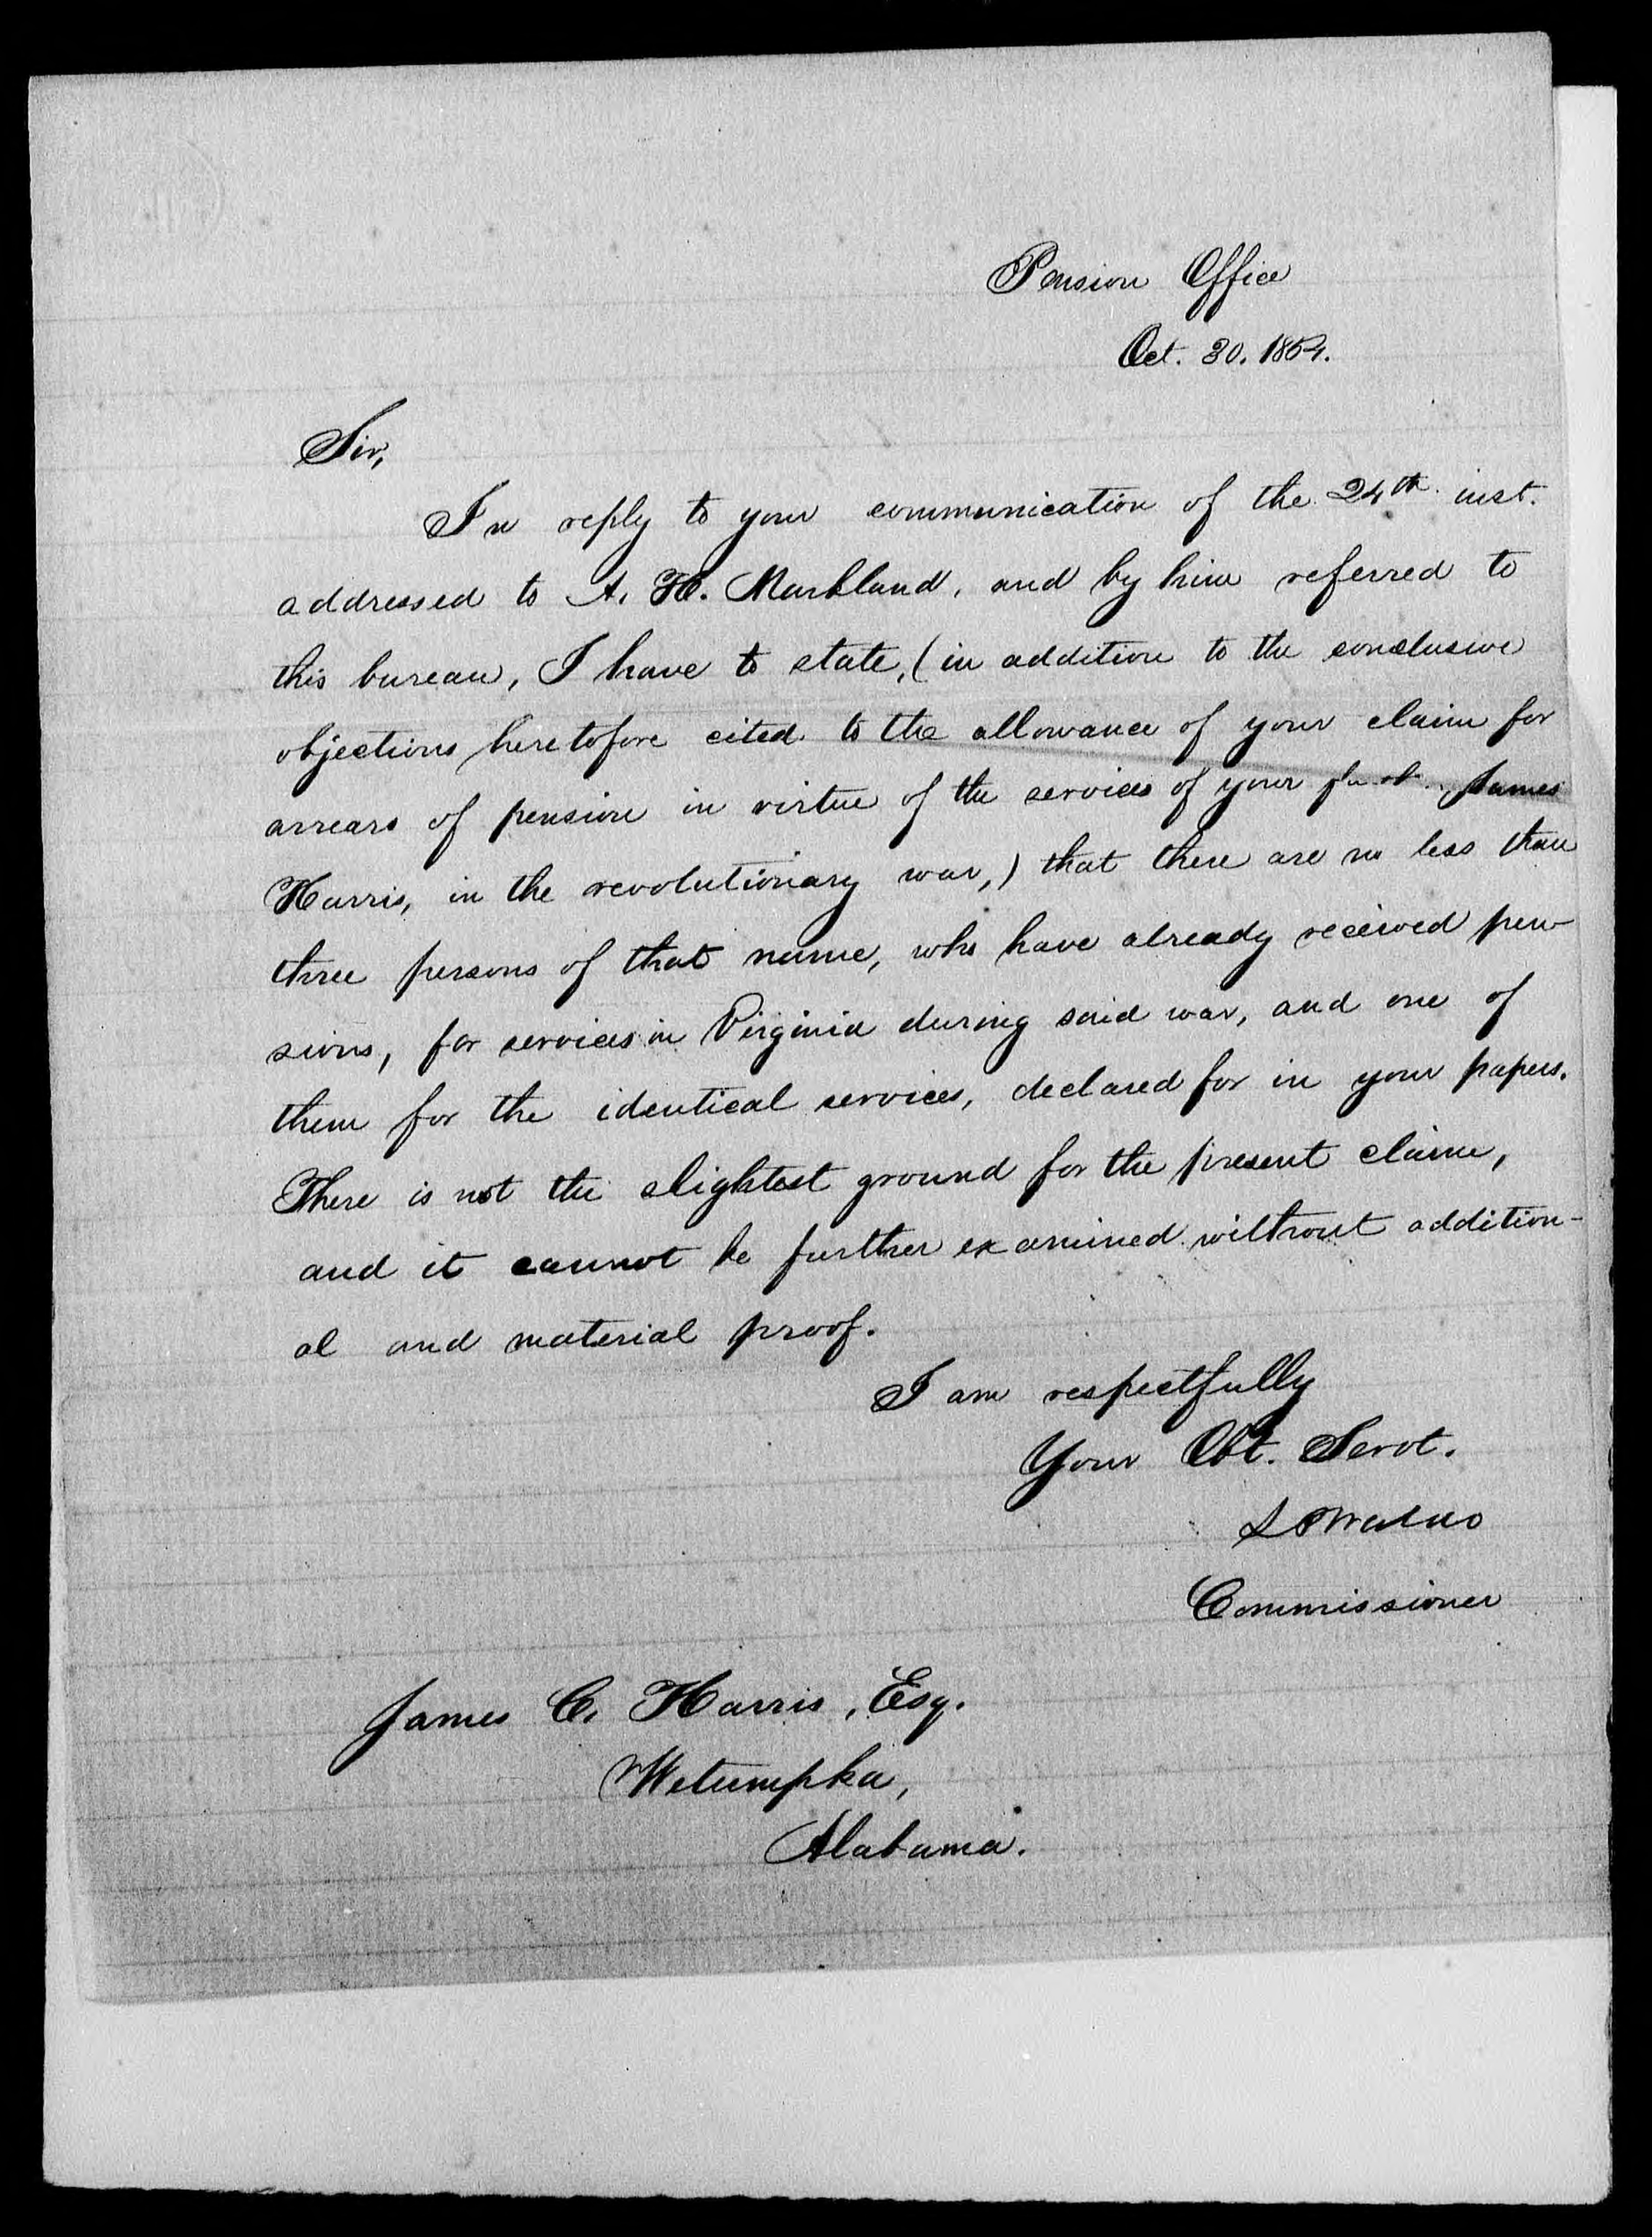Pension Office
Oct 30, 1854

Sir,
In reply to your communication of the 24th inst. addressed to A. H. Markland, and by him referred to this bureau, I have to state, (in addition to the conclusive objections heretofore cited to the allowance of your claim for arrears of pension in virtue of the services of your father James Harris, in the revolutionary war, ) that there are no less than three persons of that name, who have already received pensions, for services in Virginia during said war, and one of them for the identical services, declared for in your papers.  There is not the slightest ground for the present claim, and it cannot be further examined without additional and material proof.
I am respectfully
Your Obt. Servt.
L P Waldo
Commissioner

James C. Harris, Esq.
Wetumpka,
Alabama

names: James C Harris, A H Markland, L P Waldo, James Harris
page: 59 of 160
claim: rejected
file: R. 4666, James Harris, Va.